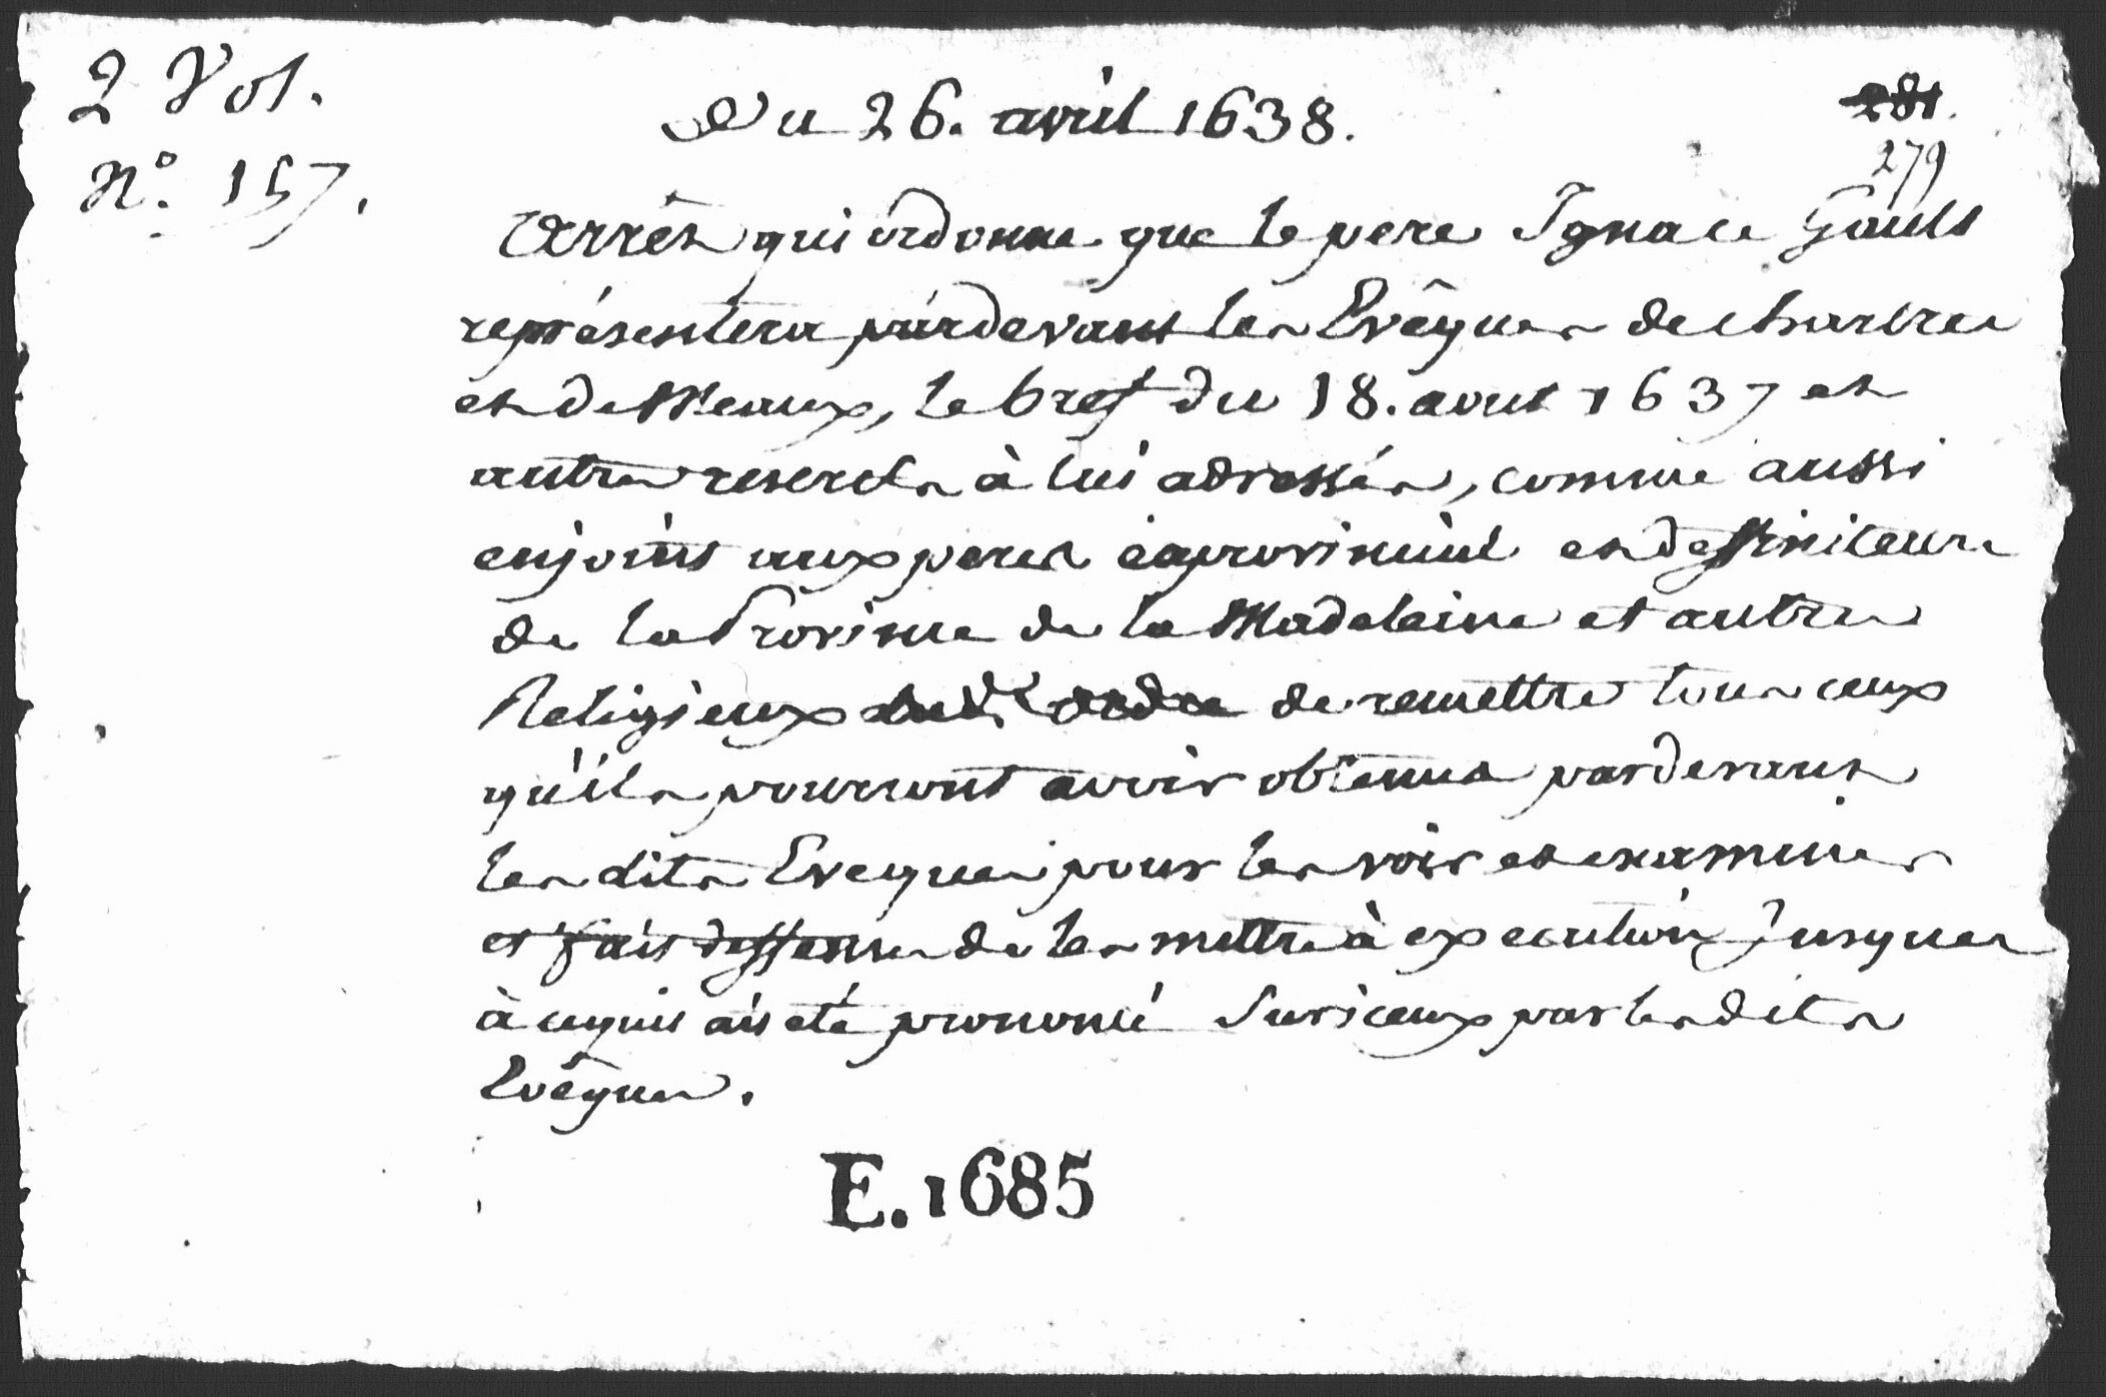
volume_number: n°157
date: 26 avril 1638
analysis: [281 barré] 279
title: Arrêt qui ordonne que le pere Ignace Gault représentera par devant les Evêques de Chartres et de Meaux, le bref du 18. aout 1637 et autres rescrits à lui adressés, comme aussi enjoint aux peres et provincial et deffiniteurs de la Province de la Madeleine et autres Religieux [dud. ordre : mots barrés] de remettre tous ceux qu'ils pourront avoir obtenus par devant lesdits Eveques pour les voir et examiner et fait deffenses de les mettre à execution jusques à de qu'il ait été prononcé sur iceux par lesdits Evêques .
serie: E
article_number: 1685
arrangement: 2 vol.
